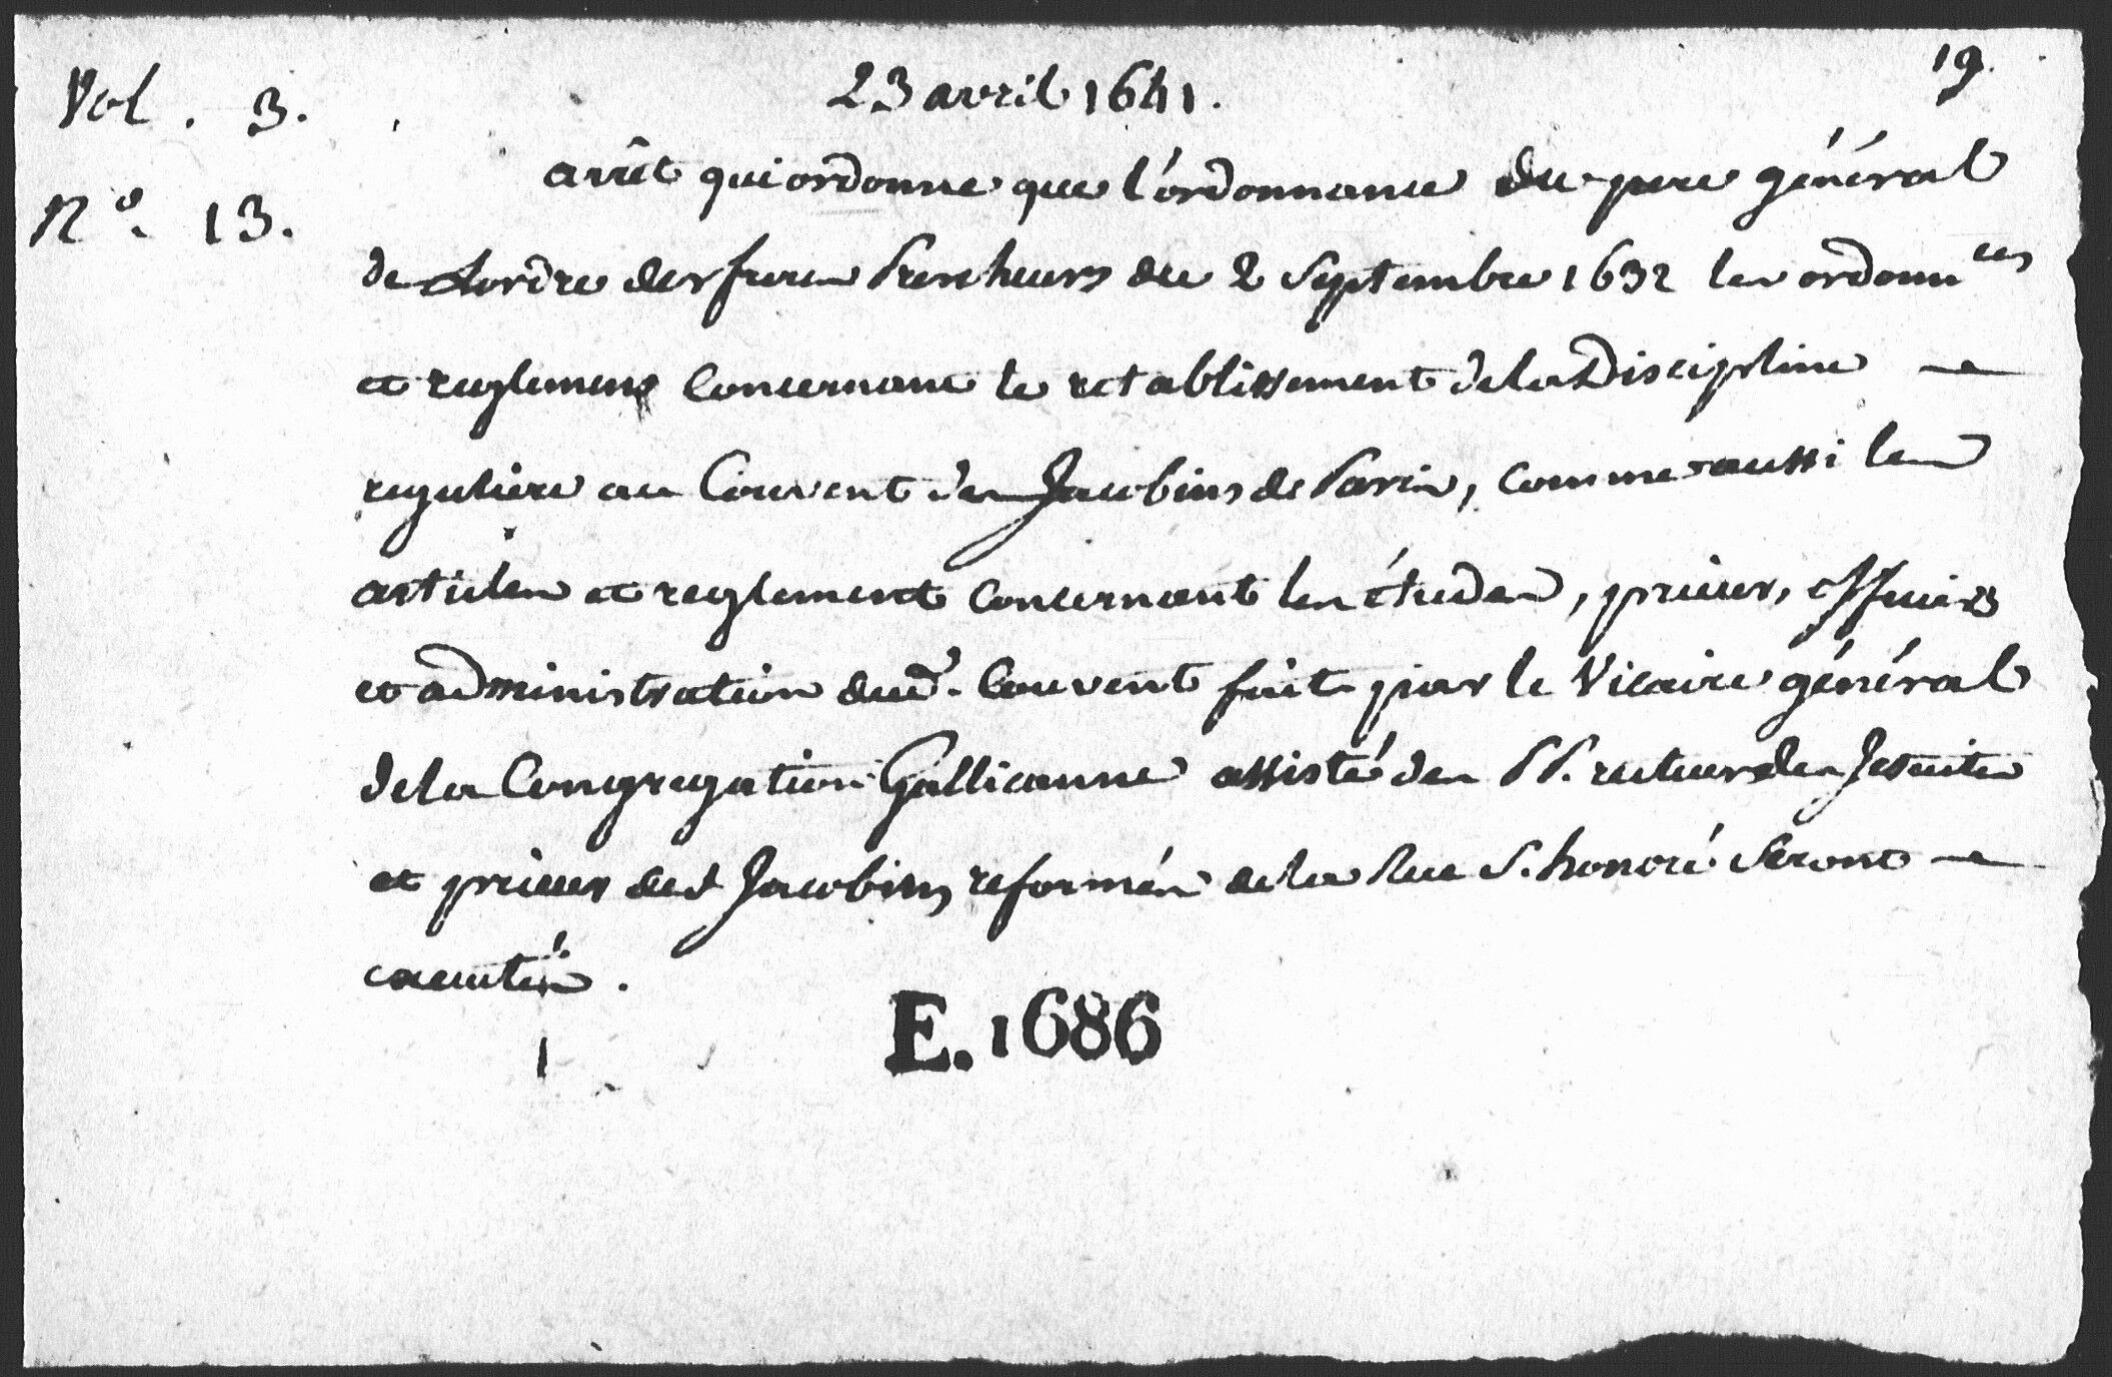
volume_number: n° 13
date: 23 avril 1641
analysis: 19
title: Arrêt qui ordonne que l'ordonnance du pere général de l'ordre des freres Prescheurs du 2 septembre 1632 les ordonnances et reglemens concernant le retablissement de la discipline regulière au Couvent des Jacobins de Paris, comme aussi les articles et reglement concernant les études, prieurs officiers et administration dudit couvent faits par le vicaire général de la congrégation gallicanne assisté des PP. recteur des Jesuites et prieur des Jacobins reformés de la Rue Saint-Honoré seront executés.
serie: E
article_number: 1686
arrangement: Volume 3
